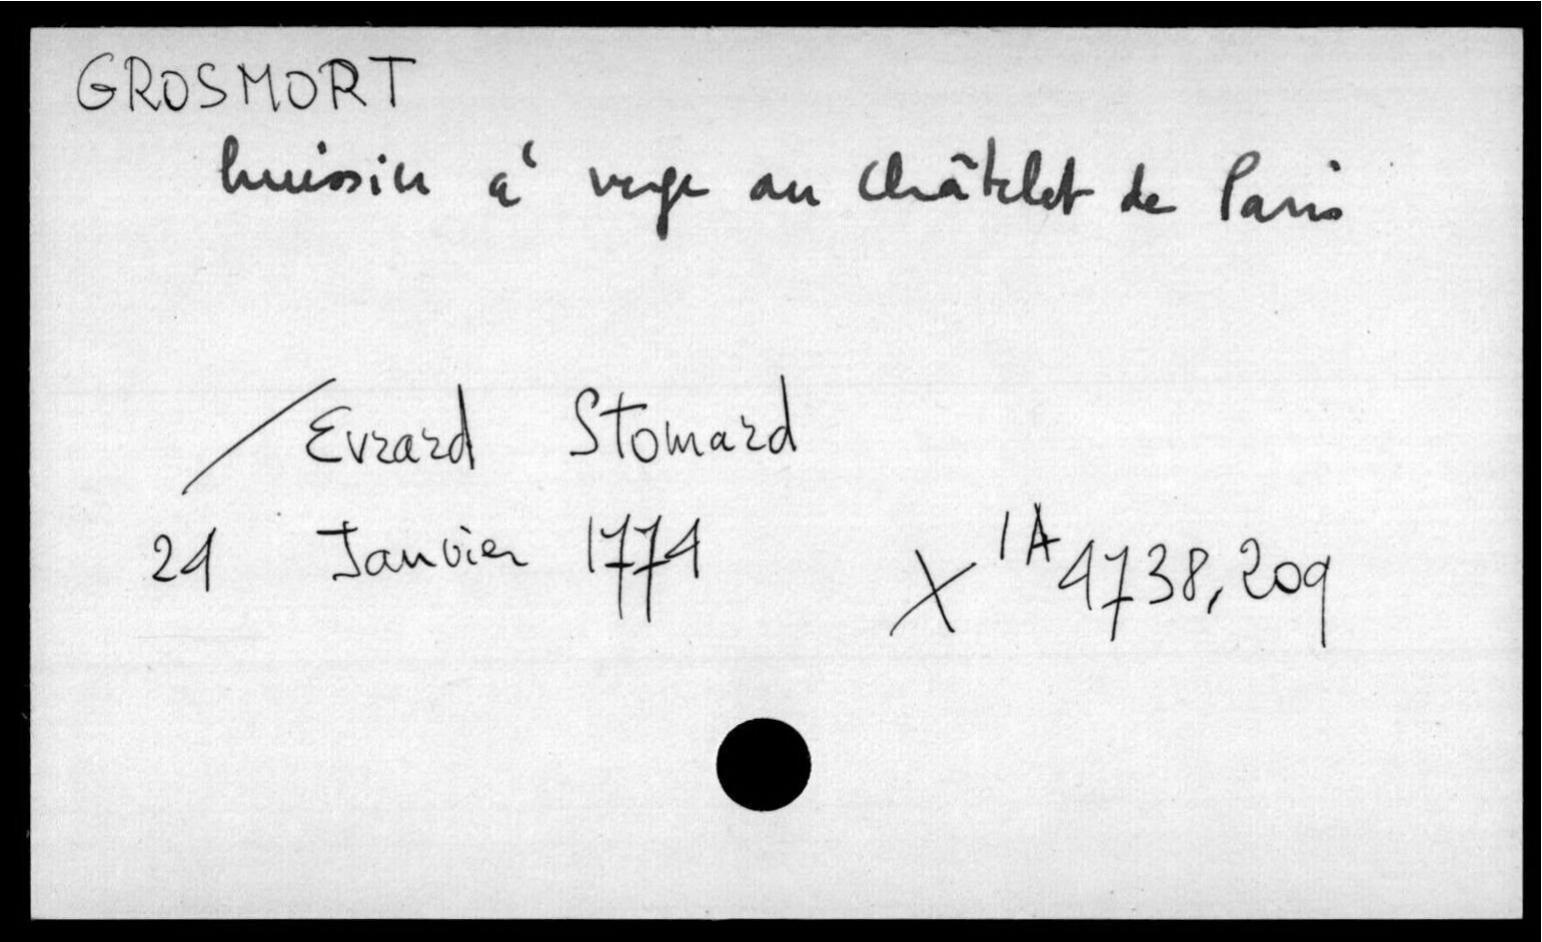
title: GROSMORT, huissier à verge au Châtelet de Paris
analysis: Contre Évrard Stomard
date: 24 janvier 1774
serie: X1A
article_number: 4738
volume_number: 209
